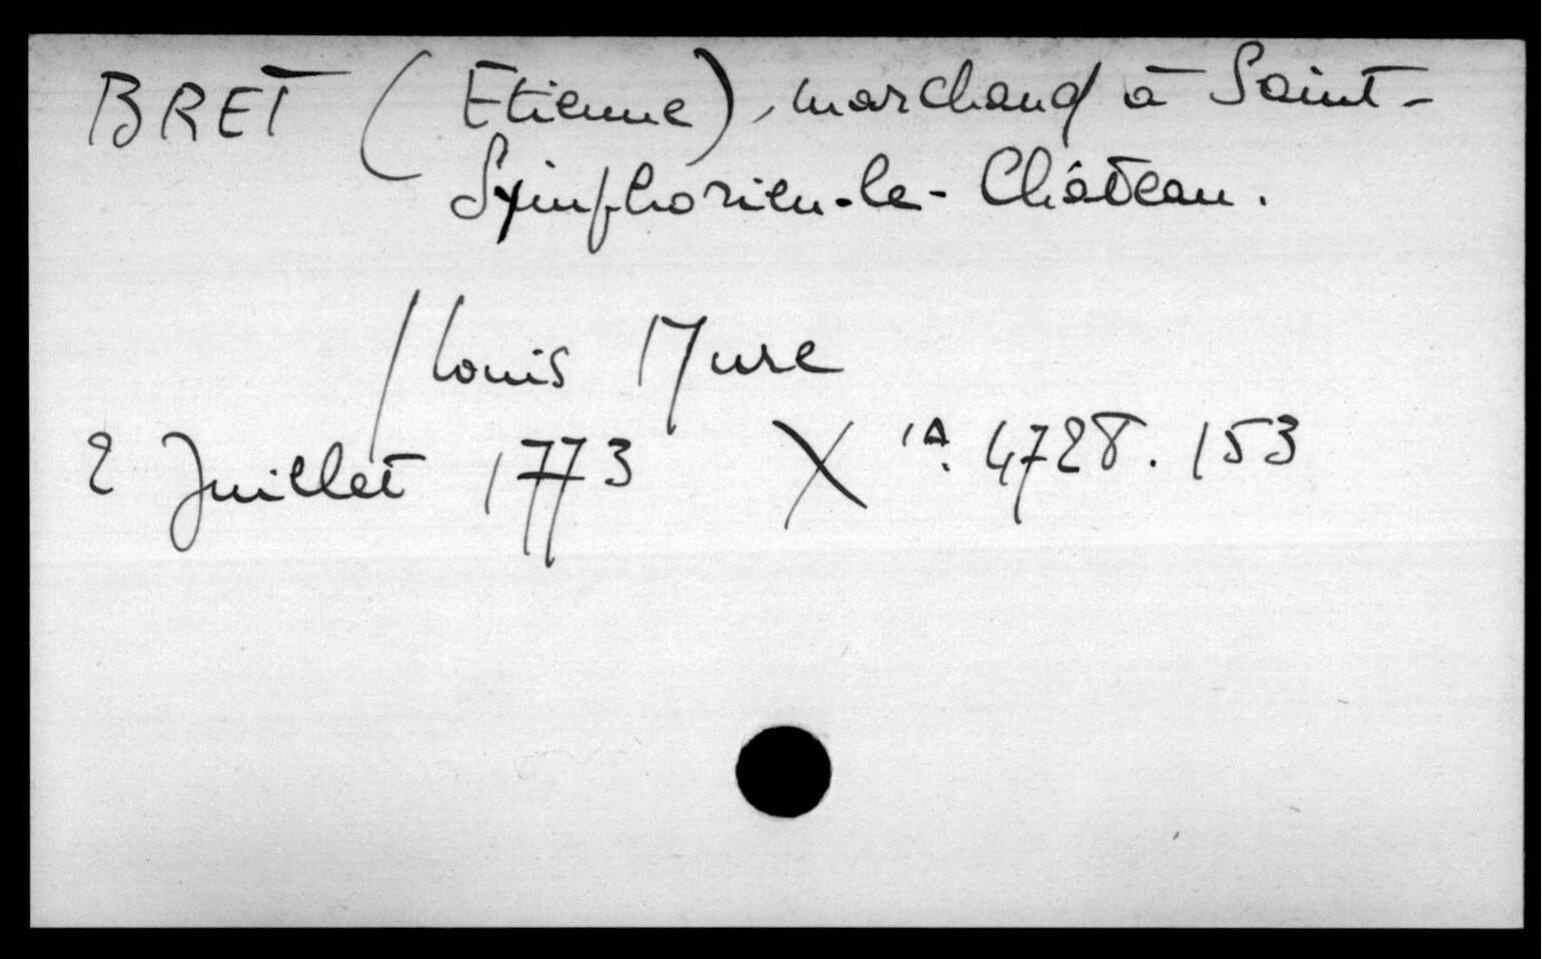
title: BRET (Étienne), marchand à Saint-Symphorien-le-Château
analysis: Contre Louis Mure
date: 2 juillet 1773
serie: X1A
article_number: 4728
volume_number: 153
